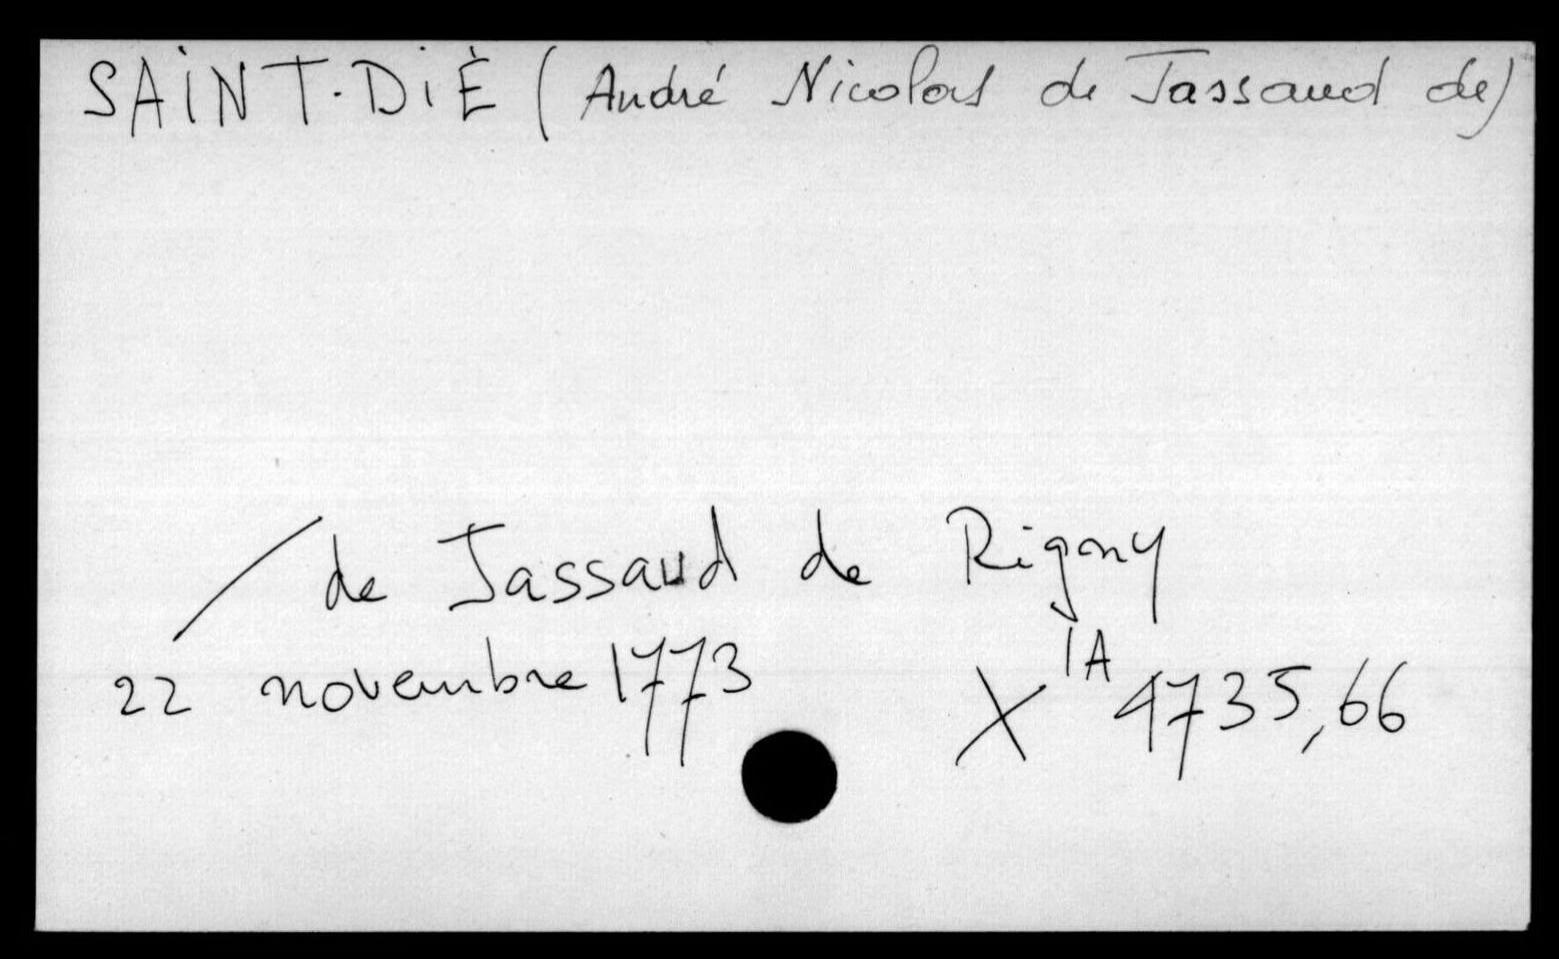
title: SAINT-DIE (André Nicolas de Jassaud de)
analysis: Contre de Jassaud de Rigny
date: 22 novembre 1773
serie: X1A
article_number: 4735
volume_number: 66
